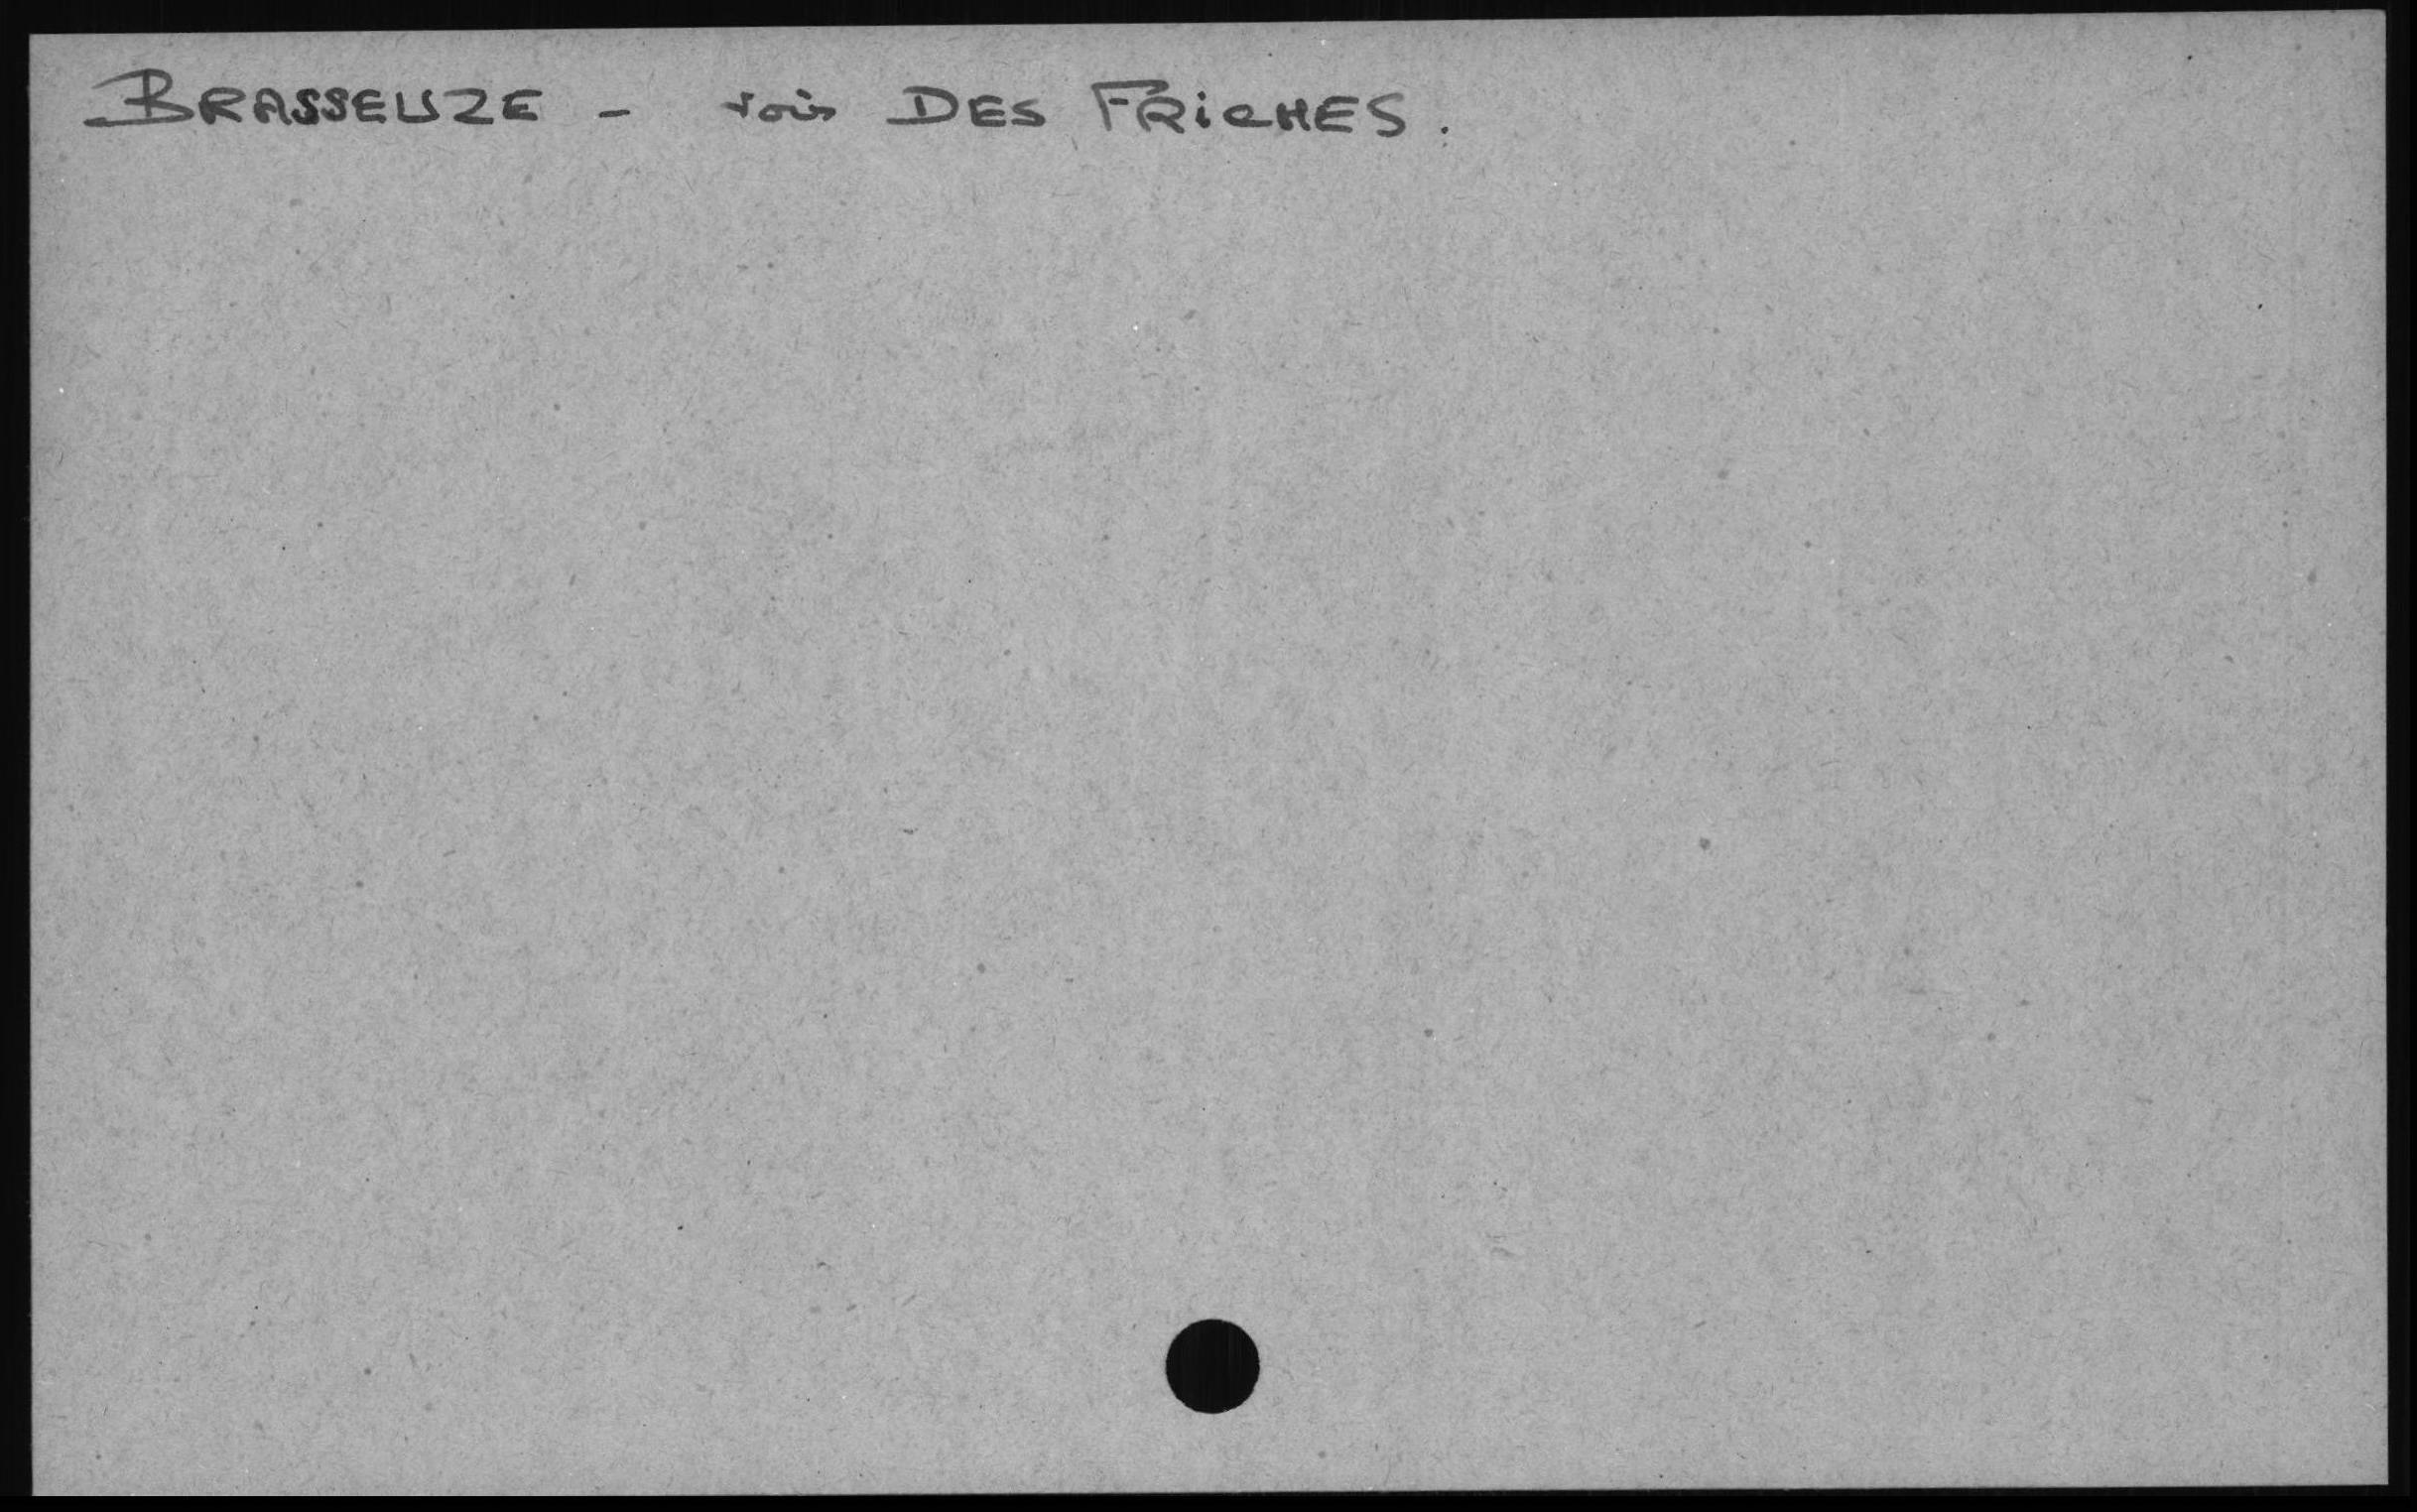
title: BRASSEUZE
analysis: voir DES FRICHES.
